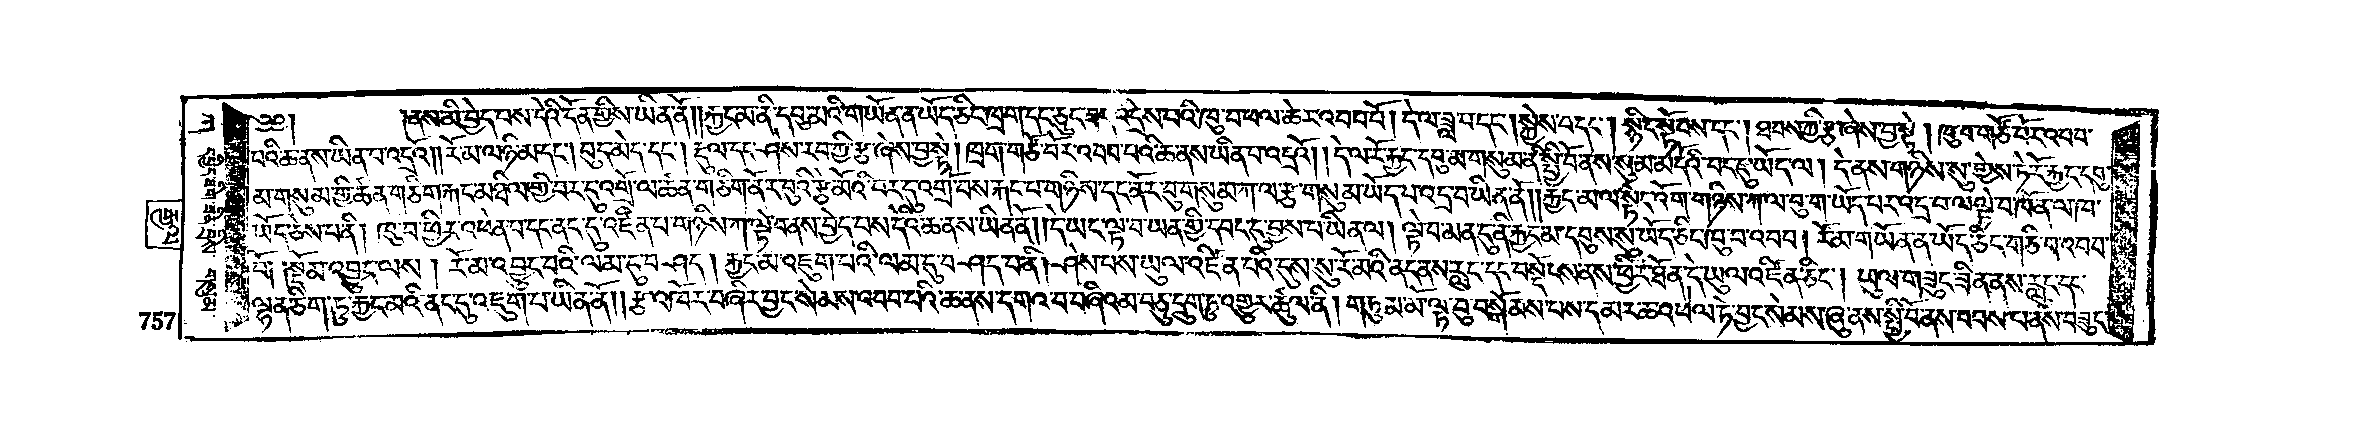༄༅། །ནས་མི་བྱེད་པས་དེའི་དོན་གྱིས་ཡིན་ནོ། །རྐྱང་མ་ནི་དབུ་མའི་གཡོན་ན་ཡོད་ཅིང་ཁྲག་དང་ཅུང་ཟད་འདྲེས་པའི་ཁུ་བ་ཕལ་ཆེར་འབབ་བོ། །དེ་ལ་ཟླ་བ་དང་། སྐྱེས་པ་དང་། སྙིང་སྟོབས་དང་། ཐབས་ཀྱི་རྩ་ཞེས་བྱ་སྟེ། ཁུ་བ་གཙོ་བོར་འབབ་
པའི་ཆ་ནས་ཡིན་པ་འདྲའོ། །རོ་མ་ལ་ཉི་མ་དང་། བུད་མེད་དང་། རྡུལ་དང་ཤེས་རབ་ཀྱི་རྩ་ཞེས་བྱ་སྟེ། ཁྲག་གཙོ་བོར་འབབ་པའི་ཆ་ནས་ཡིན་པ་འདྲའོ། །དེ་ལ་རོ་རྐྱང་དབུ་མ་གསུམ་ནི་སྤྱི་བོ་ནས་སུམ་མདོའི་བར་དུ་ཡོད་ལ། དེ་ནས་གཉིས་སུ་བྱེས་ཏེ་རོ་རྐྱང་དབུ་
མ་གསུམ་གྱི་ཚན་གཅིག་རྐང་མཐིལ་གྱི་བར་དུ་འགྲོ་ལ་ཚན་གཅིག་ནོར་བུའི་རྩེ་མོའི་བར་དུ་འགྲོ་བས་རྐང་པ་གཉིས་དང་ནོར་བུ་གསུམ་ཀ་ལ་རྩ་གསུམ་ཡོད་པ་འདྲ་བ་ཡིན་ནོ། །རྐྱང་མ་ལ་སྟེང་འོག་གཉིས་ཀ་ལ་བུ་ག་ཡོད་པར་འདྲ་བ་ལ་ལྟེ་བ་ཁོ་ན་ལ་ཁ་
ཡོད་ཅེས་པ་ནི། ཁུ་བ་ཕྱིར་འཕེན་པ་དང་ནང་དུ་འཛིན་པ་གཉིས་ཀ་ལྟེ་བ་ནས་བྱེད་པས་དེའི་ཆ་ནས་ཡིན་ནོ། །དེ་ཡང་ལྟ་བ་ཡན་གྱི་དབང་དུ་བྱས་པ་ཡིན་ལ། ལྟེ་བ་མན་དུ་ནི་རྐྱང་ན་དབུས་སུ་ཡོད་ཅིང་ཁུ་བ་འབབ། རོ་མ་གཡོན་ན་ཡོད་ཅིང་གཅིག་བ་འབབ་
གོ༑ ༑སྡོམ་འབྱུང་ལས། རོ་མ་འབྱུང་བའི་ལམ་དུ་བཤད། རྐྱང་མ་འཇུག་པའི་ལམ་དུ་བཤད་པ་ནི། ཤེས་པས་ཡུལ་འཛིན་པའི་དུས་སུ་རོ་མའི་ནང་ནས་རླུང་དང་བསྡོངས་ནས་ཕྱིར་ཐོན་དེ་ཡུལ་འཛིན་ཅིང་། ཡུལ་གཟུང་ཟིན་ནས་རླུང་དང་
ལྷན་ཅིག་ཏུ་རྐྱང་མའི་ནང་དུ་འཇུག་པ་ཡིན་ནོ། །རྩ་འཁོར་བཞིར་བྱང་སེམས་འབབ་པའི་ཆ་ནས་དགའ་བ་བཞིའམ་བཅུ་དྲུག་ཏུ་འགྱུར་ཚུལ་ནི། གཏུམ་མོ་ལྟ་བུ་བསྒོམས་པས་དམར་ཆ་འཕེལ་ཏེ་བྱང་སེམས་ཞུ་ནས་སྤྱི་བོ་ནས་བབས་པ་ནས་བཟུང་